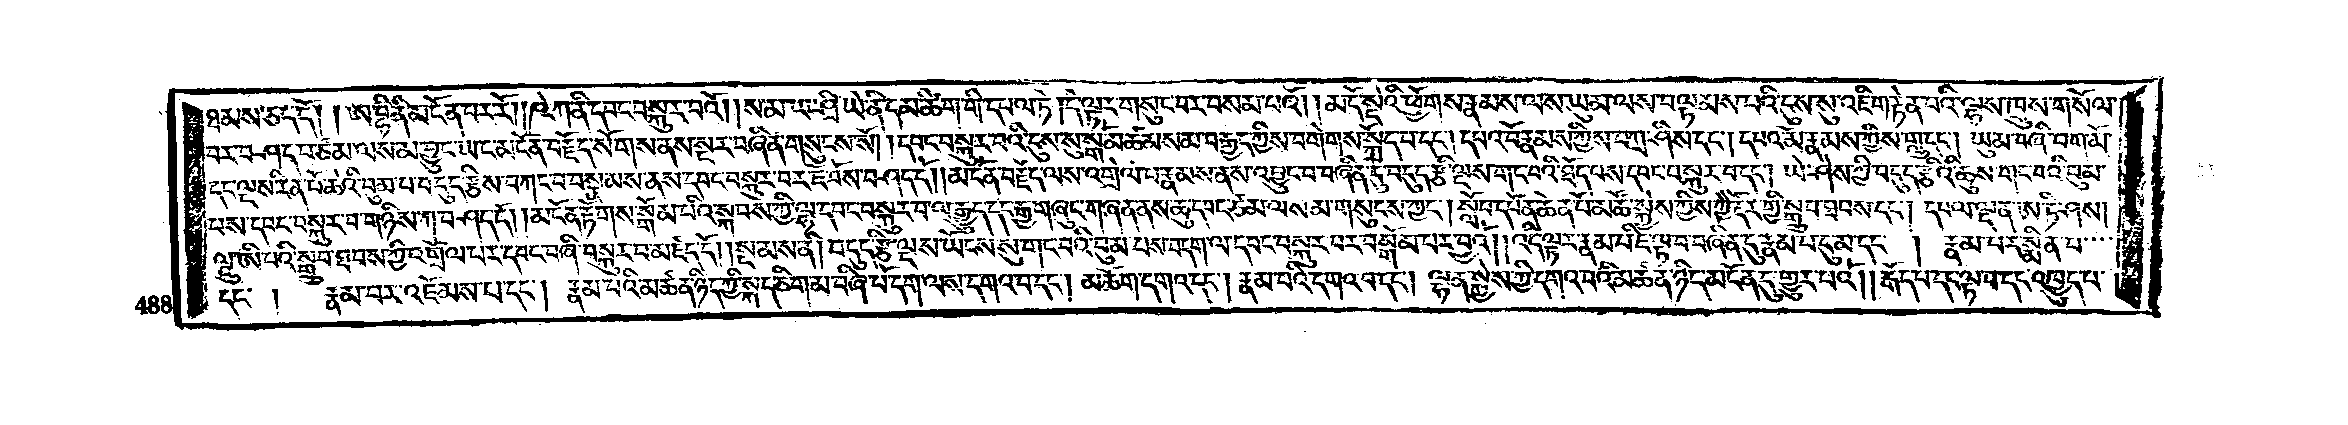ཐམས་ཅད་དོ། །ཨ་བྷི་ནི་མངོན་པར་རོ། །ཥེ་ཀ་ནི་དབང་བསྐུར་བའོ། །ས་མ་ཡ་ཤྲི་ཡེ་ནི་དམ་ཚིག་གི་དཔལ་ཏེ། དེ་ལྟར་གསུང་བར་བསམ་པའོ། །མདོ་སྡེའི་ཕྱོགས་རྣམས་ལས་ཡུམ་ལས་བལྟམས་པའི་དུས་སུ་འཇིག་རྟེན་པའི་ལྷས་ཁྲུས་གསོལ་
བར་བཤད་པ་ཙམ་ལས་མ་བྱུང་ཡང་མངོན་བརྗོད་སོགས་ནས་སྔར་བཞིན་གསུངས་སོ། །དབང་བསྐུར་བའི་དུས་སུ་སྒོ་མཚམས་མ་བརྒྱད་ཀྱིས་བགེགས་སྐྲོད་པ་དང་། དཔའ་བོ་རྣམས་ཀྱིས་བཀྲ་ཤིས་དང་། དཔའ་མོ་རྣམས་ཀྱིས་གླུ་དང་། ཡུམ་བཞི་ཕག་མོ་
དང་ལྔས་རིན་པོ་ཆེའི་བུམ་པ་བདུད་རྩིས་བཀང་བ་བསྣམས་ནས་དབང་བསྐུར་བར་ཇོ་བོས་བཤད་དོ། །མངོན་བརྗོད་ལས་འགྲེལ་པ་རྣམས་ནས་འབྱུང་བ་བཞིན་དུ་བདུད་རྩི་ལྔས་གང་བའི་ཐོད་པས་དབང་བསྐུར་བ་དང་། ཡེ་ཤེས་ཀྱི་བདུད་རྩིའི་ཆུས་གང་བའི་བུམ་
པས་དབང་བསྐུར་བ་གཉིས་ཀ་བཤད་དོ། །མངོན་རྟོགས་སྒོམ་པའི་སྐབས་ཀྱི་ལྷ་དབང་བསྐུར་བ་ལ་རྒྱུད་དང་རྒྱ་གཞུང་གཞན་ནས་ཆུ་དབང་ཙམ་ལས་མ་གསུངས་ཀྱང་། སློབ་དཔོན་ཆེན་པོ་མཚོ་སྐྱེས་ཀྱིས་ཀྱཻ་རྡོར་གྱི་སྒྲུབ་ཐབས་དང་། དཔལ་ལྡན་ཨ་ཏི་ཤས།
ལཱུ་ཨི་པའི་སྒྲུབ་ཐབས་ཀྱི་འགྲེལ་པར་དབང་བཞི་བསྐུར་བ་མཛད་དོ། །སྔ་མས་ནི། བདུད་རྩི་ལྔས་ཡོངས་སུ་གང་བའི་བུམ་པས་བདག་ལ་དབང་བསྐུར་བར་བསྒོམ་པར་བྱའོ། །འདི་ལྟར་རྣམ་པ་ཇི་ལྟར་བ་བཞིན་དུ་རྣམ་པ་དུ་མ་དང་། རྣམ་པར་སྨིན་པ་
དང་། རྣམ་པར་འཇོམས་པ་དང་། རྣམ་པའི་མཚན་ཉིད་ཀྱི་སྐད་ཅིག་མ་བཞི་པོ་དག་ལས་དགའ་བ་དང་། མཆོག་དགའ་དང་། རྣམ་པའི་དགའ་བ་དང་། ལྷན་སྐྱེས་ཀྱི་དགའ་བའི་མཚན་ཉིད་མངོན་དུ་གྱུར་པའོ། །རྒོད་པ་དང་ལྟ་བ་དང་འཁྱུད་པ་